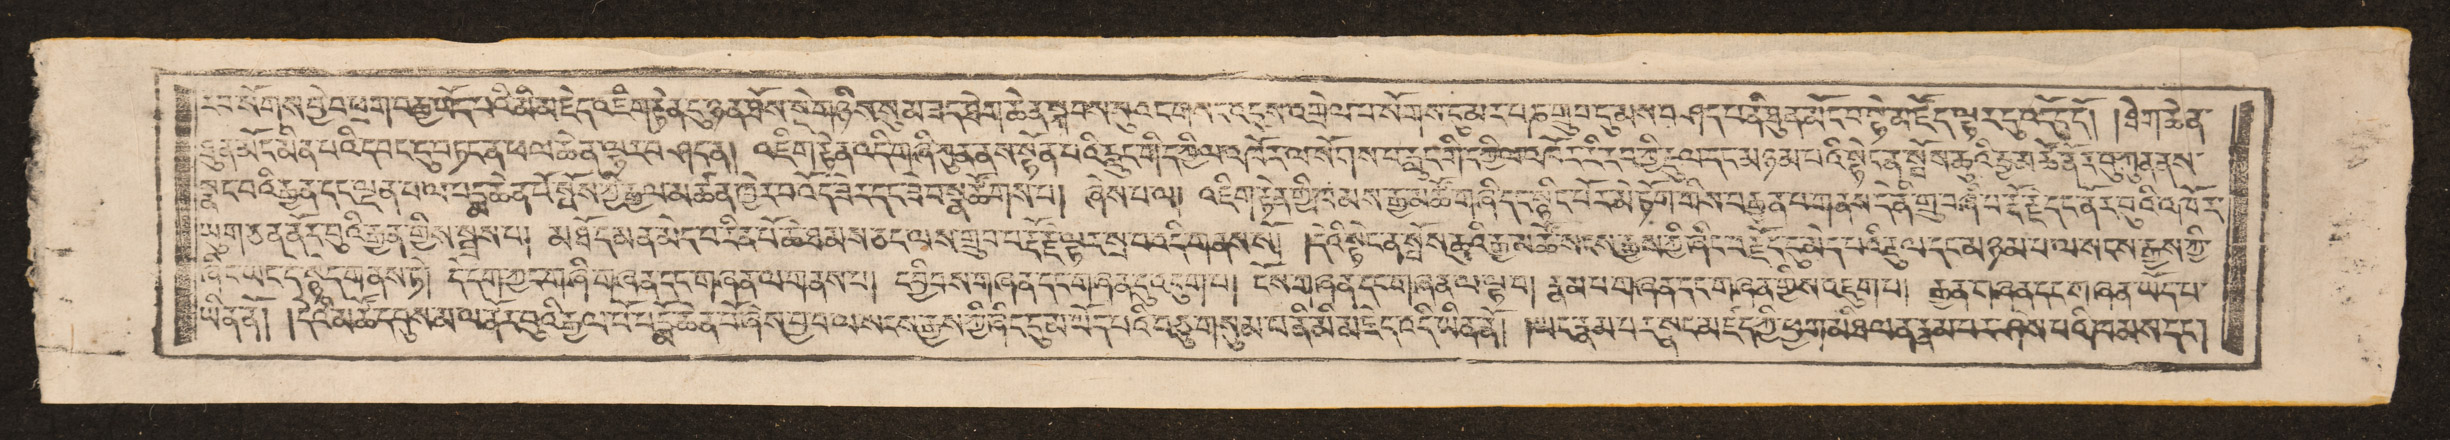རབ་སོགས་བྱེ་བ་ཕྲག་བརྒྱ་ཡོད་པའི་མི་མཇེད་འཇིག་རྟེན་དུ་ཉན་ཐོས་སྡེ་གཉིས་སུ་མ་ཟད་ཐེག་ཆེན་སྐབས་སུ་འང་གསང་འདུས་འགྲོལ་པ་སོགས་དུ་མར་པཎ་གྲུབ་དུ་མས་བཤད་པ་ནི་ཐུན་མོང་བ་སྟེ་མཛོད་ལྟར་དུ་འདོད་དོ། །ཐེག་ཆེན་
ཐུན་མོང་མིན་པའི་དབང་དུ་བཏང་ན་ཕལ་ཆེན་ལྟར་བཤད་ན། འཇིག་རྟེན་འདི་གཞི་ཀུན་ནས་སྟོན་པའི་རླུང་གི་དཀྱིལ་འཁོར་ལ་སོགས་པ་རླུང་གི་དཀྱིལ་འཁོར་རི་རབ་ཀྱི་རྡུལ་དང་མཉམ་པའི་སྟེང་ན་སྤོས་ཆུའི་རྒྱ་མཚོ་ནོར་བུ་ཀུན་ནས་
སྣང་བའི་རྒྱན་དང་ལྡན་པ་ལ་པདམ་ཆེན་པོ་སྤོས་ཀྱི་རྒྱལ་མཚན་ཁྱེར་པ་འོད་ཟེར་དང་ཟེ་པ་སྣ་ཚོགས་པ། ཞེས་པ་ལ། འཇིག་རྟེན་གྱི་ཁམས་རྒྱ་མཚོ་གཞི་དང་སྙིང་པོར་མེ་ཏོག་གིས་བརྒྱན་པ་གནས་དེ་ནི་གྲུ་བཞི་པ་རྡོ་རྗེ་དང་ནོར་བུའི་འཁོར་
སུ་གཅན་ནོར་བུའི་རྒྱན་གྱིས་སྤྲས་པ། མཐོད་མན་མེད་པ་རིན་པོ་ཆེ་ཐམས་ཅད་ལས་གྲུབ་པ་རྡོ་རྗེ་ལྟར་སྲ་?་བ་འདི་གནས་སོ། །དེའི་སྟེང་ན་སྤོས་ཆུའི་རྒྱ་མཚོ་སངས་རྒྱས་ཀྱི་ཞིང་བརྗོད་དུ་མེད་པའི་རྡུལ་དང་མཉམ་པ་ལ་སངས་རྒྱས་ཀྱི་
ཞིང་ཡང་དེ་སྙེད་གནས་ཏེ། དེ་དག་ཀྱང་གཞི་གཞན་དང་གཞན་ལ་གནས་པ། དབྱིབས་གཞན་དང་གཞན་དུ་འདུག་པ། འོས་གཞན་དང་གཞན་ལ་ལྟ་བ། རྣམ་པ་གཞན་དང་གཞན་གྱིས་འཇུག་པ། རྒྱན་གཞན་དང་?་ང་?་གཞན་ཡོད་པ་
ཡིན་ནོ། །དེའི་མཚོ་དབུས་མ་ལ་ནོར་བུའི་རྒྱལ་པོ་པདམོ་ཆེན་པོ་ཞེས་བྱ་བ་ལ་སངས་རྒྱས་ཀྱི་ཞིང་དུ་མ་ཡོད་པའི་བཅུ་གསུམ་པ་ནི་མི་མཇེད་འདི་ཡིན་ནོ། །ཡང་རྣམ་པར་སྣང་མཛད་ཀྱི་ཕྱག་མཐིལ་ན་རྣམ་པར་ཤེས་པའི་ཁམས་དང་།